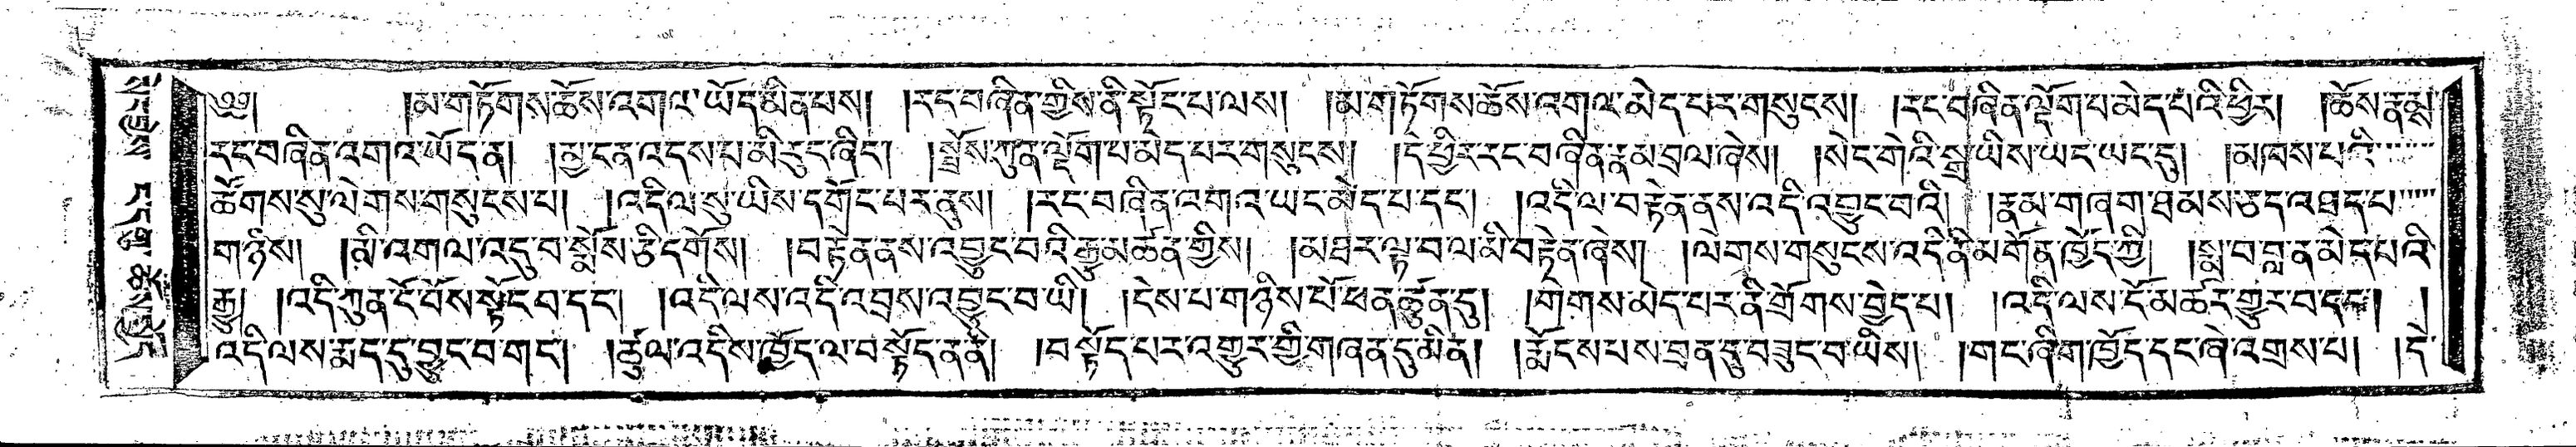༄༅། །མ་གཏོགས་ཆོས་འགའ་ཡོད་མིན་པས། །རང་བཞིན་གྱིས་ནི་སྟོང་པ་ལས། །མ་གཏོགས་ཆོས་འགའ་མེད་པར་གསུངས། །རང་བཞིན་ལྡོག་པ་མེད་པའི་ཕྱིར། །ཆོས་རྣམས་
རང་བཞིན་འགའ་ཡོད་ན། །མྱ་ངན་འདས་པ་མི་རུང་ཞིང་། །སྤྲོས་ཀུན་ལྡོག་པ་མེད་པར་གསུངས། །དེ་ཕྱིར་རང་བཞིན་རྣམ་བྲལ་ཞེས། །སེང་གེའི་སྒྲ་ཡིས་ཡང་ཡང་དུ། །མཁས་པའི་
ཚོགས་སུ་ལེགས་གསུངས་པ། །འདི་ལ་སུ་ཡིས་དགོང་པར་ནུས། །རང་བཞིན་འགའ་ཡང་མེད་པ་དང་། །འདི་ལ་བརྟེན་ནས་འདི་འབྱུང་བའི། །རྣམ་གཞག་ཐམས་ཅད་འཐད་པ་
གཉིས། །མི་འགལ་འདུ་བ་སྨོས་ཅི་དགོས། །བརྟེན་ནས་འབྱུང་བའི་རྒྱུ་མཚན་གྱིས། །མཐར་ལྟ་བ་ལ་མི་བརྟེན་ཞེས། །ལེགས་གསུངས་འདི་ནི་མགོན་ཁྱོད་ཀྱི། །སྨྲ་བ་བླ་ན་མེད་པའི་
རྒྱུ། །འདི་ཀུན་ངོ་བོས་སྟོང་བ་དང་། །འདི་ལས་འདི་འབྲས་འབྱུང་བ་ཡི། །ངེས་པ་གཉིས་པོ་ཕན་ཚུན་དུ། །གེགས་མེད་པར་ནི་གྲོགས་བྱེད་པ། །འདི་ལས་ངོ་མཚར་གྱུར་བ་དང་། །
འདི་ལས་རྨད་དུ་བྱུང་བ་གང་། །ཚུལ་འདིས་ཁྱོད་ལ་བསྟོད་ན་ནི། །བསྟོད་པར་འགྱུར་གྱི་གཞན་དུ་མིན། །རྨོངས་པས་བྲན་དུ་བཟུང་བ་ཡིས། །གང་ཞིག་ཁྱོད་དང་ཞེ་འགྲས་པ། །དེ་